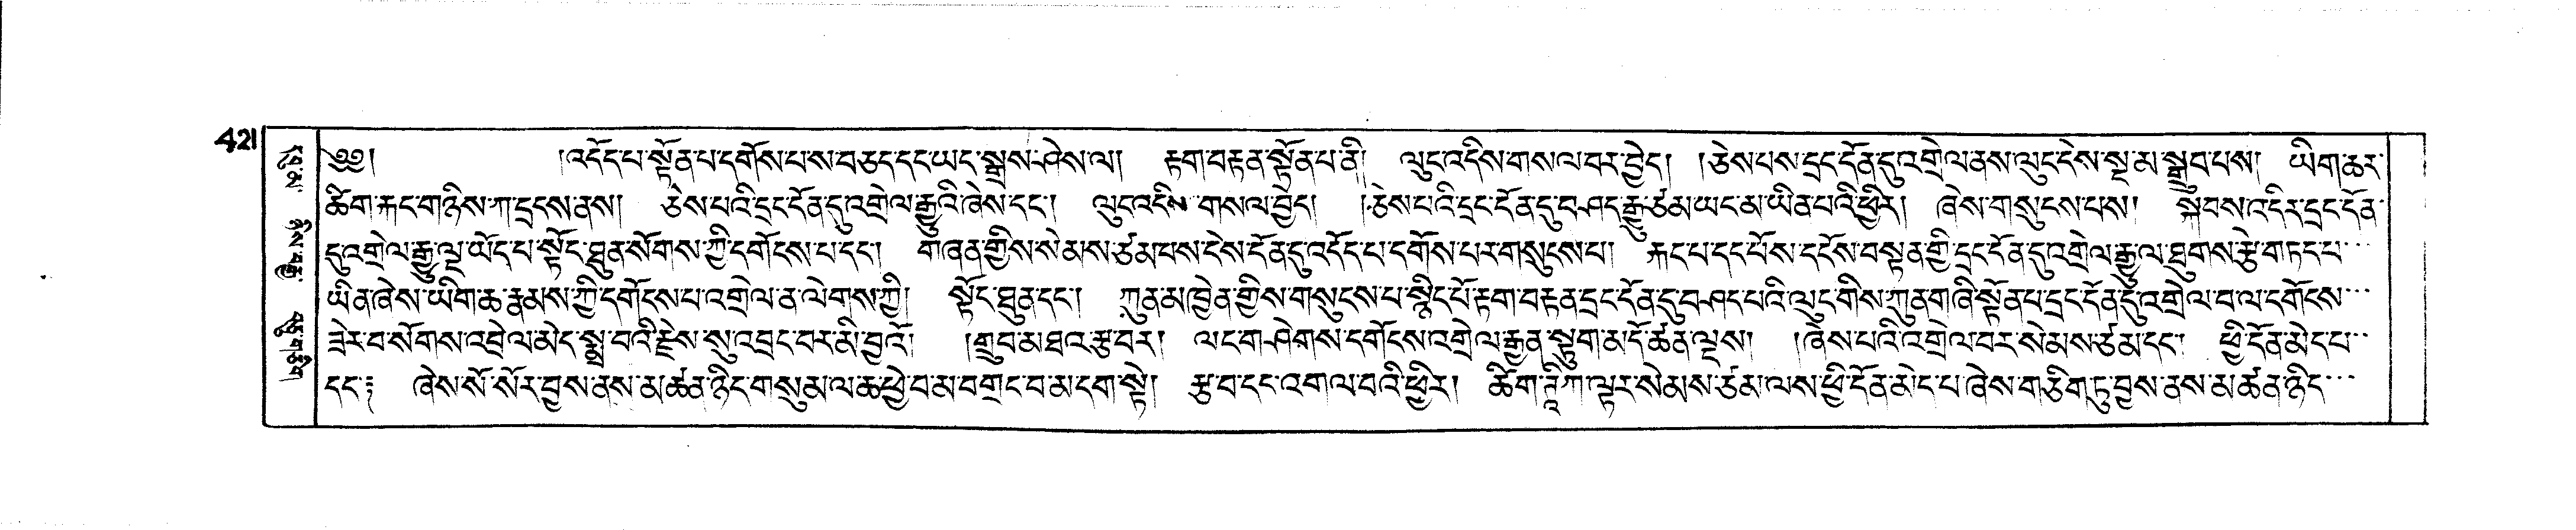༄༅། །འདོད་པ་སྟོན་པ་དགོས་པ་ས་བཅད་དང་ཡང་སྒྲས་ཤེས་ལ། རྟག་བརྟན་སྟོན་པ་ནི། ལུང་འདིས་གསལ་བར་བྱེད། །ཅེས་པས་དྲང་དོན་དུ་འགྲེལ་ནས་ལུང་དེས་སྔ་མ་སྒྲུབ་པས། ཡིག་ཆར་
ཚིག་རྐང་གཉིས་ཀ་དྲངས་ནས། ཅེས་པའི་དྲང་དོན་དུ་འགྲེལ་རྒྱུའི་ཞེས་དང་། ལུང་འདིས་གསལ་བྱེད། །ཅེས་པའི་དྲང་དོན་དུ་བཤད་རྒྱུ་ཙམ་ཡང་མ་ཡིན་པའི་ཕྱིར། ཞེས་གསུངས་པས། སྐབས་འདིར་དྲང་དོན་
དུ་འགྲེལ་རྒྱུ་ལྔ་ཡོད་པ་སྟོང་ཐུན་སོགས་ཀྱི་དགོངས་པ་དང་། གཞན་གྱིས་སེམས་ཙམ་པས་དེས་དོན་དུ་འདོད་པ་དགོས་པར་གསུངས་པ། རྐང་པ་དང་པོས་དངོས་བསྟན་གྱི་དྲང་དོན་དུ་འགྲེལ་རྒྱུ་ལ་ཐུགས་རྩེ་གཏད་པ་
ཡིན་ཞེས་ཡིག་ཆ་རྣམས་ཀྱི་དགོངས་པ་འགྲེལ་ན་ལེགས་ཀྱི། སྟོང་ཐུན་དང་། ཀུན་མཁྱེན་གྱིས་གསུངས་པ་སྙིང་པོ་རྟག་བརྟན་དྲང་དོན་དུ་བཤད་པའི་ལུང་གིས་ཀུན་གཞི་སྟོན་པ་དྲང་དོན་དུ་འགྲེལ་བ་ལ་དགོངས་
ཟེར་བ་སོགས་འབྲེལ་མེད་སྨྲ་བའི་རྗེས་སུ་འབྲང་བར་མི་བྱའོ། །གྲུབ་མཐའ་རྩ་བར། ལང་གཤེགས་དགོངས་འགྲེལ་རྒྱན་སྟུག་མདོ་ཚན་ལྔས། །ཞེས་པའི་འགྲེལ་བར་སེམས་ཙམ་དང་། ཕྱི་དོན་མེད་པ་
དང༑ ཞེས་སོ་སོར་བྱས་ནས་མཚན་ཉིད་གསུམ་ལ་ཆ་ཕྱེ་བ་མ་བགྲང་བ་མ་དག་སྟེ། རྩ་བ་དང་འགལ་བའི་ཕྱིར། ཚིག་ཊཱིཀ་ལྟར་སེམས་ཙམ་ལས་ཕྱི་དོན་མེད་པ་ཞེས་གཅིག་ཏུ་བྱས་ནས་མཚན་ཉིད་